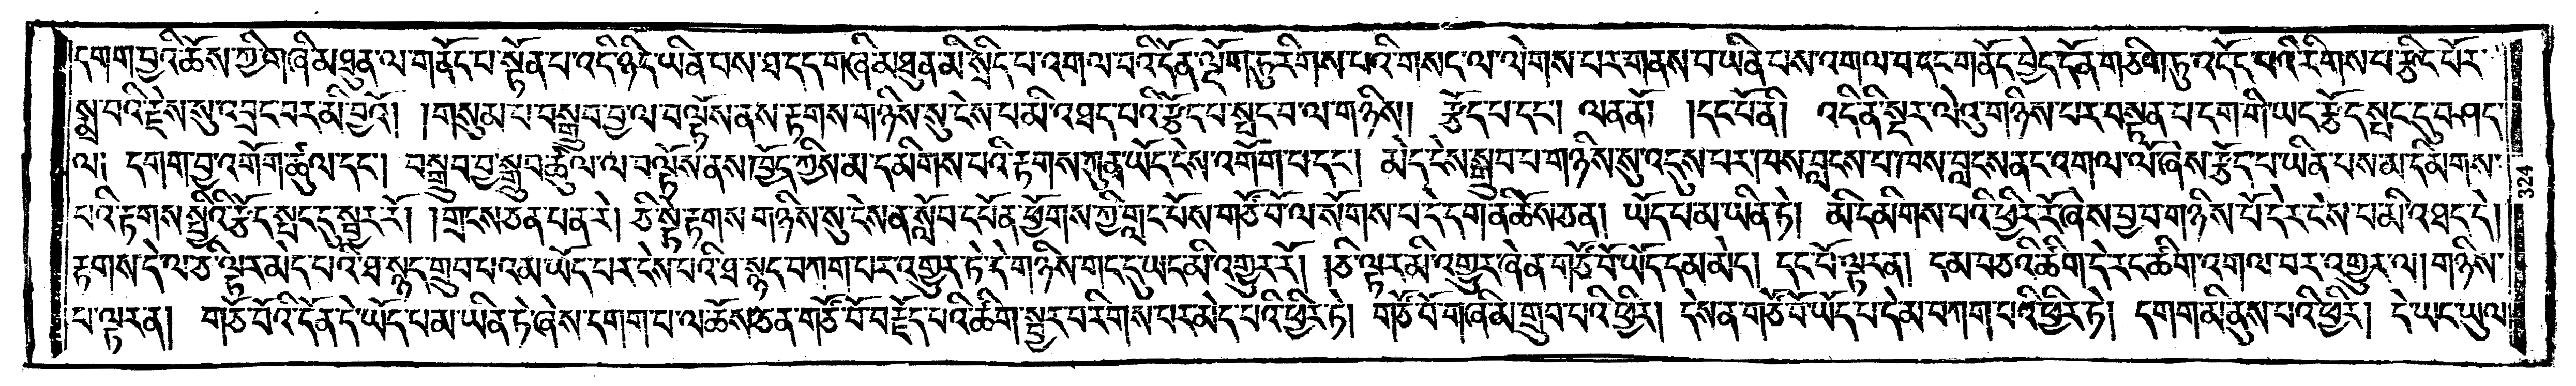དགག་བྱའི་ཆོས་ཀྱི་གཞི་མཐུན་ལ་གནོད་པ་སྟོན་པ་འདི་ཉིད་ཡིན་པས་ཐ་དད་གཞི་མཐུན་མི་སྲིད་པ་འགལ་བའི་དོན་ལྡོག་ཏུ་རིགས་པའི་གསང་ལ་ལེགས་པར་གནས་པ་ཡིན་པས་འགལ་བ་དང་གནོད་བྱེད་དོན་གཅིག་ཏུ་འདོད་པའི་རིགས་པ་རྩིང་པོར་
སྨྲ་བའི་རྗེས་སུ་འབྲང་བར་མི་བྱའོ། །གསུམ་པ་བསྒྲུབ་བྱ་ལ་བལྟོས་ནས་རྟགས་གཉིས་སུ་ངེས་པ་མི་འཐད་པའི་རྩོད་པ་སྤང་བ་ལ་གཉིས། རྩོད་པ་དང་། ལན་ནོ། །དང་པོ་ནི། འདི་ནི་སྔར་ལེའུ་གཉིས་པར་བསྟན་པ་དག་གི་ཡང་རྩོད་སྤང་དུ་བཤད་
ལ༑ དགག་བྱ་འགོག་ཚུལ་དང་། བསྒྲུབ་བྱ་སྒྲུབ་ཚུལ་ལ་བལྟོས་ནས་ཁྱོད་ཀྱིས་མ་དམིགས་པའི་རྟགས་ཀུན་ཡོད་ངེས་འགོག་བ་དང་། མེད་ངེས་སྒྲུབ་པ་གཉིས་སུ་འདུས་པར་ཁས་བླངས་པ་ཁས་བླངས་ནང་འགལ་ལོ་ཞེས་རྩོད་པ་ཡིན་པས་མ་དམིགས་
པའི་རྟགས་སྤྱིའི་རྩོད་སྤང་དུ་སྦྱར་རོ། །གྲངས་ཅན་པ་ན་རེ། ཅི་སྟེ་རྟགས་གཉིས་སུ་ངེས་ན་སློབ་དཔོན་ཕྱོགས་ཀྱི་གླང་པོས་གཙོ་བོ་ལ་སོགས་པ་དེ་དག་ན་ཆོས་ཅན། ཡོད་པ་མ་ཡིན་ཏེ། མི་དམིགས་པའི་ཕྱིར་རོ་ཞེས་བྱ་བ་གཉིས་པོ་དེར་ངེས་པ་མི་འཐད་དེ།
རྟགས་དེ་ལ་ཅི་ལྟར་མེད་པའི་ཐ་སྙད་གྲུབ་པའམ་ཡོད་པར་ངེས་པའི་ཐ་སྙད་བཀག་པར་འགྱུར་ཏེ་དེ་གཉིས་གང་དུ་ཡང་མི་འགྱུར་རོ། །ཅི་ལྟར་མི་འགྱུར་ཞེ་ན་གཙོ་བོ་ཡོད་དམ་མེད། དང་པོ་ལྟར་ན། དམ་བཅའི་ཚིག་དེ་རང་ཚིག་འགལ་བར་འགྱུར་ལ། གཉིས་
པ་ལྟར་ན། གཙོ་བོའི་དོན་དེ་ཡོད་པ་མ་ཡིན་ཏེ་ཞེས་དགག་པ་ལ་ཆོས་ཅན་གཙོ་བོ་བརྗོད་པའི་ཚིག་སྦྱར་བ་རིགས་པར་མེད་པའི་ཕྱིར་ཏེ། གཙོ་བོ་གཞི་མ་གྲུབ་པའི་ཕྱིར། དེས་ན་གཙོ་བོ་ཡོད་པ་དེ་མ་བཀག་པའི་ཕྱིར་ཏེ། དགག་མི་ནུས་པའི་ཕྱིར། དེ་ཡང་ཡུལ་